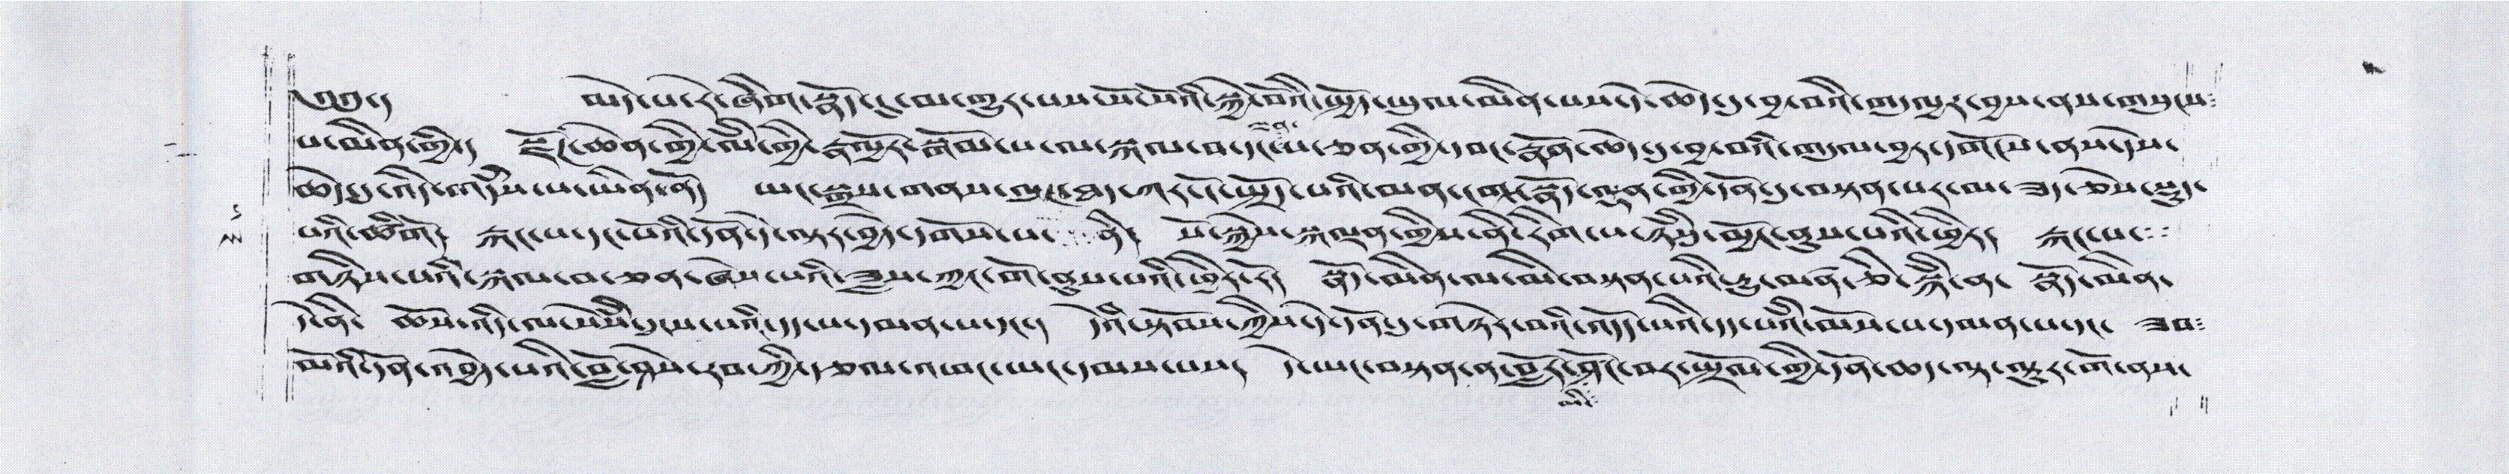མེད་པ་རེ་ཞིག་སྣོད་དུ་མ་གྱུར་པས་སོ་སོའི་སྐྱེ་བོའི་སྤྱོད་ཡུལ་མིན་པས་དེ་ཆེད་དུ་བྱ་བའི་གདུལ་བྱར་བྱས་ནས་གསུངས་
པ་མིན་གྱི། རྫོགས་ཆེན་གྱི་ལམ་གྱི་རྣལ་འབྱོར་བསྒོམ་པ་ལ་སྐལ་པ་དང་ལྡན་པ་ཅན་གྱི་དབང་རྣོན་ཆེད་དུ་བྱ་བའི་གདུལ་བྱར་དགོངས་ནས་དེས་
ཆེད་དུ་འདི་གདམས་པ་ཡིན་ནོ། ཡང་སྒྲས་གནས་ལུགས་ཐད་ཀར་ངོ་སྤྲོད་པའི་མན་ངག་སྣོད་ལྡན་གྱི་དོན་དུ་བསྟན་པར་མ་ཟད་ཅེས་སྡུད་
པའི་ཚིག་གོ། རྐང་པ་དང་པོའི་དོན་དེ་ལྟར་བྱེད་དགོས་པ་ནི། སོ་སྐྱེས་སྐལ་ལྡན་གྱིས་ནི་རིག་པ་ཉམས་སུ་མྱོང་ནུས་པའི་ཕྱིར། རྐང་པ་
གཉིས་པའམ་སྐལ་པ་ཅན་ཞེས་པའི་ཟླས་ཀྱང་གོ་ནུས་པའི་ཕྱིར་རོ། སྣོད་མིན་ལ་མི་བསྟན་པའི་རྒྱུ་མཚན་ཅི་སྙམ་ན། སྣོད་མིན་
དེ་ནི་ཆོས་འདི་ལ་སེམས་དྭངས་པའི་དད་པ་དམན་པ་དང་། དེའི་སྟོབས་ཀྱིས་དེ་དོན་དུ་གཉེར་བའི་འདོད་པའི་དད་པའི་མོས་པ་དམན་པ་དང་། ཟབ་
མོའི་དོན་འབྱེད་པའི་བློ་ཤེས་རབ་ཀྱི་རྩལ་འཕང་ཡང་དམས་པས། དེ་ཡང་བསྟན་ན་བློར་མི་ཤོང་བར་སྤྲོས་བྲལ་གྱི་དོན་ཆད་ལྟ་ལྟ་བུར་གོ་ནས་